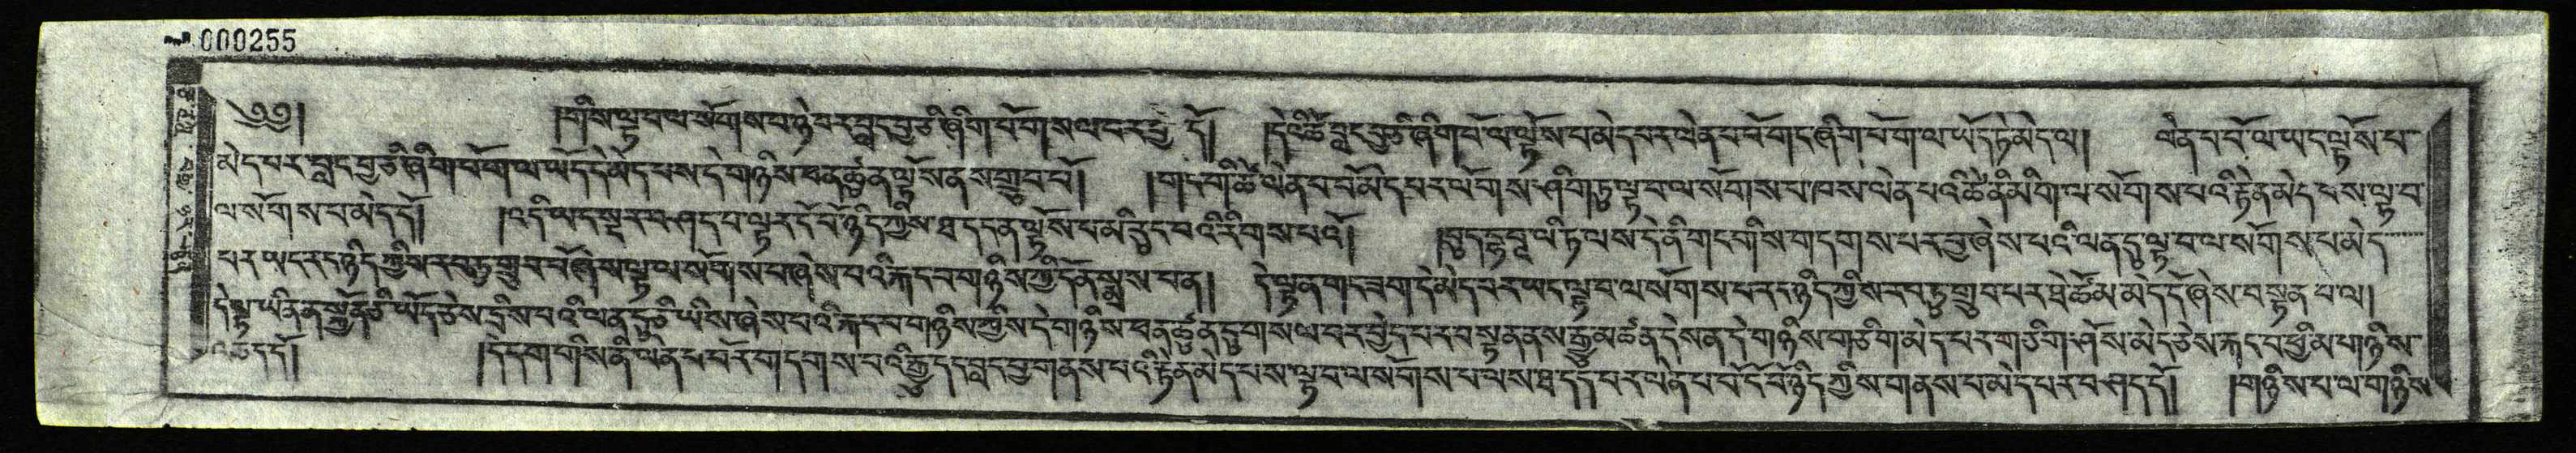༄༅། །གིས་ལྟ་བ་ལ་སོགས་པ་ཉེ་བར་བླང་བྱ་ཅི་ཞིག་པོ་གསལ་བར་བྱེད་དོ། །དེའི་ཚེ་བླང་བྱ་ཅི་ཞིག་པོ་ལ་ལྟོས་པ་མེད་པར་ལེན་པ་པོ་གང་ཞིག་པོ་ག་ལ་ཡོད་ཏེ་མེད་ལ། ལེན་པ་པོ་ལ་ཡང་ལྟོས་པ་
མེད་པར་བླང་བྱ་ཅི་ཞིག་པོ་ག་ལ་ཡོད་དེ་མེད་པས་དེ་གཉིས་ཕན་ཚུན་ལྟོས་ནས་གྲུབ་པོ། །གང་གི་ཚེ་ལེན་པ་པོ་མེད་པར་ལོགས་ཤིག་ཏུ་ལྟ་བ་ལ་སོགས་པ་ཁས་ལེན་པའི་ཚེ་ནི་མིག་ལ་སོགས་པའི་རྟེན་མེད་པས་ལྟ་བ་
ལ་སོགས་པ་མེད་དོ། །འདི་ཡང་སྔར་བཤད་པ་ལྟར་ངོ་བོ་ཉིད་ཀྱིས་ཐ་དད་ན་ལྟོས་པ་མི་རུང་བའི་རིགས་པའོ། །བུད་དྷ་བཱ་ལི་ཏ་ལས་དེ་ནི་གང་གིས་གདགས་པར་བྱ་ཞེས་པའི་ལན་དུ་ལྟ་བ་ལ་སོགས་པ་མེད་
པར་ཡང་རང་ཉིད་ཀྱིས་རབ་ཏུ་གྲུབ་པོ་ཞེས་ལྟ་ལ་སོགས་པ་ཞེས་པའི་རྐང་པ་གཉིས་ཀྱི་དོན་སྨྲས་བ་ན། དེ་ལྟ་ན་གང་ཟག་དེ་མེད་པར་ཡང་ལྟ་བ་ལ་སོགས་པ་རང་ཉིད་ཀྱིས་རབ་ཏུ་གྲུབ་པར་ཐེ་ཚོམ་མེད་དོ་ཞེས་བསྟན་པ་ལ།
དེ་ལྟ་ཡིན་ན་སྐྱོན་ཅི་ཡོད་ཅེས་དྲིས་པའི་ལན་དུ་ཅི་ཡིས་ཞེས་པའི་རྐང་པ་གཉིས་ཀྱིས་དེ་གཉིས་ཕན་ཚུན་དུ་གསལ་བར་བྱེད་པར་བསྟན་ནས་རྒྱུ་མཚན་དེས་ན་དེ་གཉིས་གཅིག་མེད་པར་གཅིག་ཤོས་མེད་ཅེས་རྐང་པ་ཕྱི་མ་གཉིས་
འཆད་དོ། །དེ་དག་གིས་ནི་ལེན་པ་པོར་གདགས་པའི་རྒྱུ་དང་བླང་བྱ་གནས་པའི་རྟེན་མེད་པས་ལྟ་བ་ལ་སོགས་པ་ལས་ཐ་དད་པར་ལེན་པ་པོ་ངོ་བོ་ཉིད་ཀྱིས་གནས་པ་མེད་པར་བཤད་དོ། །གཉིས་པ་ལ་གཉིས་